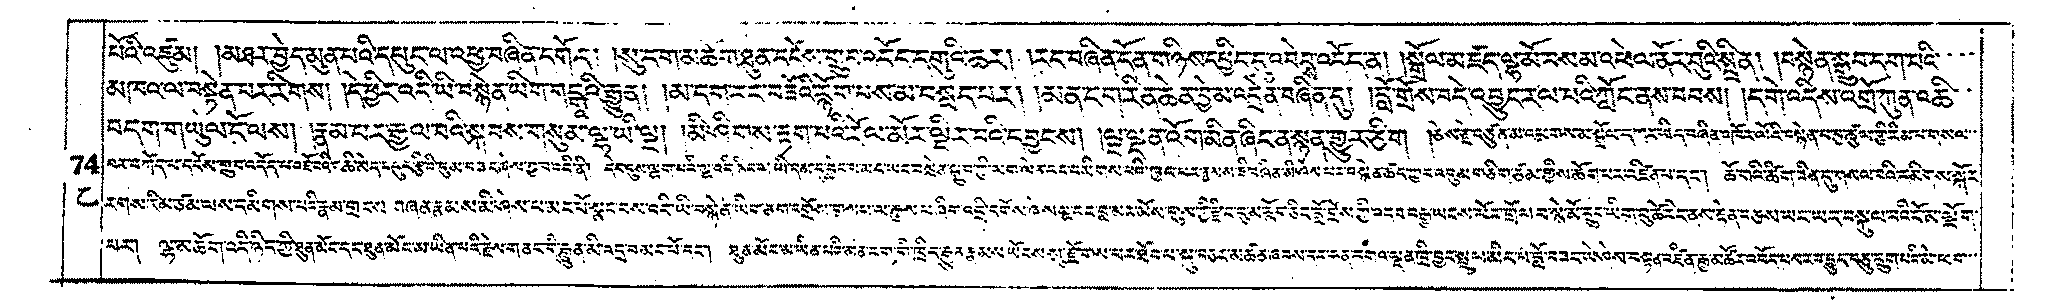པོའི་འཛུམ། །མཐར་བྱེད་མུན་པའི་དཔུང་ལ་འཕྱ་བཞིན་དགོད། །སུ་དག་མཆོག་ཐུན་དངོས་གྲུབ་འདོད་དགུའི་ཆར། །རང་བཞིན་དོན་གཉིས་དཔྱིད་དུ་འབེབས་འདོད་ན། །སྒྲོལ་མཛད་ལྷ་མོ་བསམ་འཕེལ་ནོར་བུའི་སྤྲིན། །བསྙེན་སྒྲུབ་དག་པའི་་་
མཁའ་ལ་བསྟེན་པར་རིགས། །དེ་ཕྱིར་འདི་ཡི་བསྙེན་ཡིག་གངྒཱའི་རྒྱུན། །མ་དག་རང་བཟོའི་རྙོག་པས་མ་བསླད་པར། །མན་ངག་རིན་ཆེན་བྱེ་མ་འདྲེན་བཞིན་དུ། །བློ་གྲོས་བདེ་འབྱུང་རལ་པའི་ཀློང་ནས་བབས། །དགེ་འདིས་འགྲོ་ཀུན་འཆི་་་
བདག་གཡུལ་ངོ་ལས། །རྣམ་པར་རྒྱལ་བའི་སྐབས་གསུམ་ལྷ་ཡི་ལྔ། །མི་ཤིགས་རྟག་པའི་རོལ་མོར་ལྡིར་བའི་དབྱངས། །ལྔ་ལྡན་འོག་མིན་ཞིང་ན་སྙན་གྱུར་ཅིག །ཅེས་རྗེ་བཙུན་མ་འཕགས་མ་སྒྲོལ་དཀར་ཡིད་བཞིན་འཁོར་ལོའི་བསྙེན་པ་བྱ་ཚུལ་གྱི་རིམ་པ་གསལ་་་
བར་བཀོད་པ་དངོས་གྲུབ་འདོད་པ་འཇོ་བའི་འཆི་མེད་བདུད་རྩིའི་བུམ་བཟང་ཞེས་བྱ་བ་འདི་ནི། དེང་དུས་ལྷག་པའི་ལྷ་འདི་ཉིད་ལ་ཡི་དམ་དུ་བྱེད་པ་མང་ཡང་བསྙེན་སྒྲུབ་ཀྱི་ལག་ལེན་དང་དམིགས་པའི་ཁྱད་པར་རྣམས་ཇི་བཞིན་མི་ཤེས་པར་བསྙེན་ཚད་ཀྱང་འབུམ་གཅིག་ཙམ་གྱིས་ཆོག་པར་འཛིན་པ་དང་། ཆོ་གའི་ཚིག་ཟིན་དུ་གསལ་བའི་དམིགས་སྐོར་
རགས་རིམ་ཙམ་ལས་དམིགས་པའི་རྣམ་གྲངས་གཞན་རྣམས་མི་ཤེས་པ་མང་པོ་སྣང་བས་འདི་ཡི་བསྙེན་ཡིག་ནག་འགྲོས་གསལ་ལ་རྒྱས་པ་ཞིག་འདྲི་དགོས་ཞེས་ལྷ་དང་བླ་མར་མོས་གུས་ཀྱི་རྫིང་བུ་མ་རྙོག་ཅིང་བློ་གྲོས་ཀྱི་འདབ་བརྒྱབ་ཡངས་པོར་གྲོལ་བ་སྙེ་མོ་དྲུང་ཡིག་བུ་ཚེ་རིང་ནས་རྟེན་བཅས་ཡང་ཡང་བསྐུལ་བའི་ངོ་མ་ལྡོག་
པར། ལྷ་མཆོག་འདི་ཉིད་ཀྱི་ཐུན་མོང་དང་ཐུན་མོང་མ་ཡིན་པའི་རྗེས་གནང་གི་རྒྱུན་མི་འདྲ་བ་མང་པོ་དང་། ཐུན་མོང་མ་ཡིན་པའི་མན་ངག་གི་ཁྲིད་རྒྱུན་རྣམས་ཡོངས་སུ་རྫོགས་པར་ཐོབ་པ་སྐུ་བཅར་མཚན་ཞབས་དར་ཧན་དགའ་ལྡན་ཁྲི་བྱང་སྤྲུལ་མིང་པ་བློ་བ་ཟང་ཡེ་ཤེས་བསྟན་འཛིན་རྒྱ་མཚོར་འབོད་པས་རབ་བྱུང་བཅུ་དྲུག་པའི་མེ་ཕག་་་